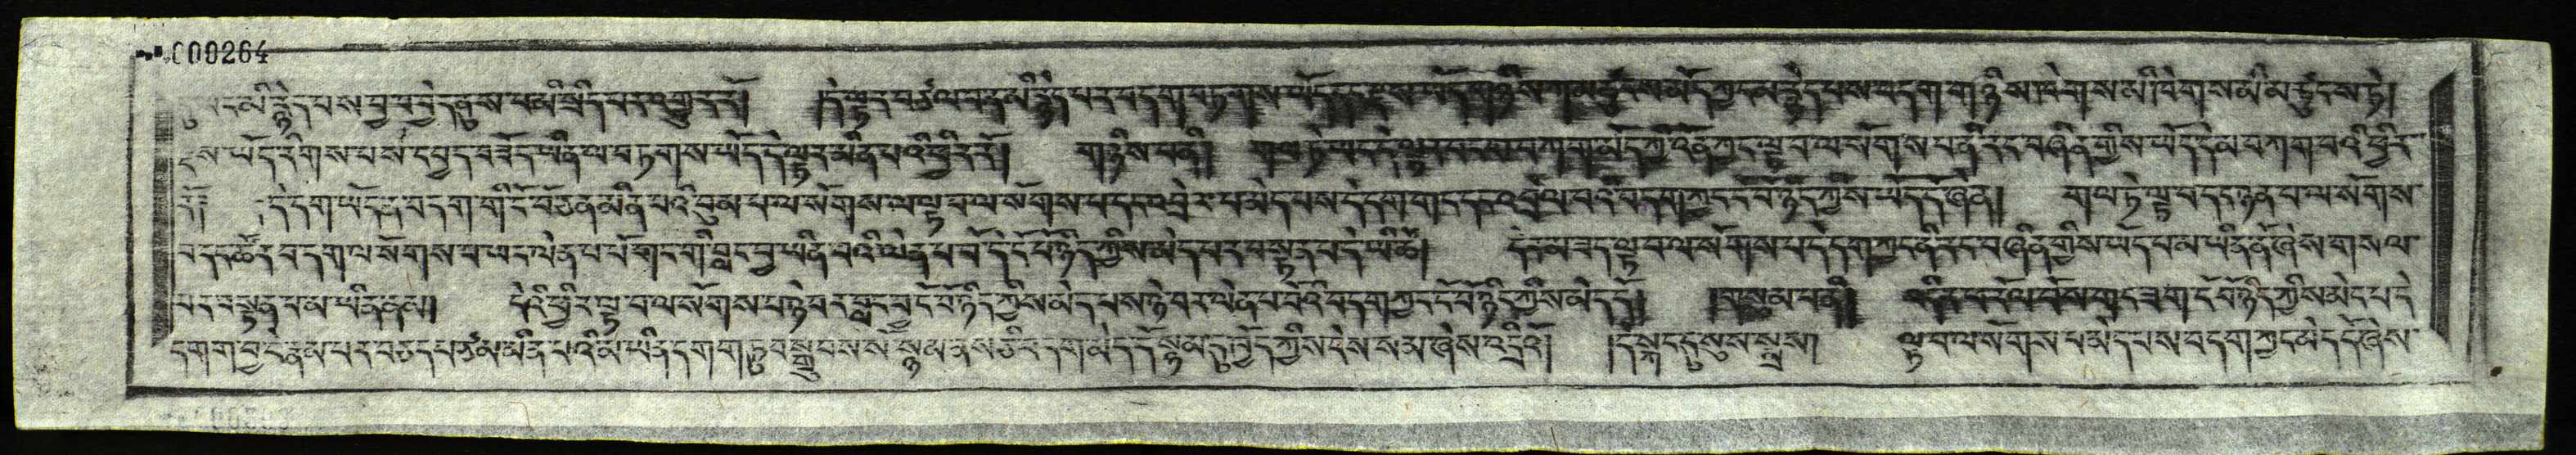དུ་ཡང་མི་རྙེད་པས་བྱ་བ་བྱེད་ནུས་པ་མི་སྲིད་པར་འགྱུར་རོ། །དེ་ལྟར་བཙལ་བ་ན་མི་རྙེད་པར་བདག་བཏགས་ཡོད་དང་རྫས་ཡོད་གཉིས་ཀ་མཚུངས་མོད་ཀྱང་མ་རྙེད་པས་བདག་གཉིས་ཁེགས་མི་ཁེགས་མི་མཚུངས་ཏེ།
རྫས་ཡོད་རིགས་པས་དཔྱད་བཟོད་ཡིན་ལ་བཏགས་ཡོད་དེ་ལྟར་མིན་པའི་ཕྱིར་རོ། གཉིས་པ་ནི། གལ་ཏེ་ཡང་དེ་ལྟར་བདག་བགག་མེད་ཀྱི་འོན་ཀྱང་ལྟ་བ་ལ་སོགས་པ་ནི་རང་བཞིན་གྱིས་ཡོད་དེ་མ་བཀག་པའི་ཕྱིར་
རོ༑ །དེ་དག་ཡོད་ན་བདག་གི་ངོ་བོ་ཅན་མིན་པའི་བུམ་པ་ལ་སོགས་ལ་ལྟ་བ་ལ་སོགས་པ་དང་འབྲེལ་བ་མེད་པས་དེ་དག་གང་དང་འབྲེལ་བའི་བདག་ཀྱང་ངོ་བོ་ཉིད་ཀྱིས་ཡོད་དོ་ཞེ་ན། གལ་ཏེ་ལྟ་བ་དང་ཉན་པ་ལ་སོགས་
པ་དང་ཚོར་བ་དག་ལ་སོགས་པ་ཡང་ལེན་པ་པོ་གང་གི་བླང་བྱ་ཡིན་པའི་ལེན་པ་པོ་དེ་ངོ་བོ་ཉིད་ཀྱིས་མེད་པར་བསྟན་པ་དེ་ཡི་ཚེ། དེར་མ་ཟད་ལྟ་བ་ལ་སོགས་པ་དེ་དག་ཀྱང་ནི་རང་བཞིན་གྱིས་ཡོད་པ་མ་ཡིན་ནོ་ཞེས་གསལ་
བར་བསྟན་པ་མ་ཡིན་ནམ། དེའི་ཕྱིར་ལྟ་བ་ལ་སོགས་པ་ཉེ་བར་བླང་བྱ་ངོ་བོ་ཉིད་ཀྱིས་མེད་པས་ཉེ་བར་ལེན་པ་པོའི་བདག་ཀྱང་ངོ་བོ་ཉིད་ཀྱིས་མེད་དོ། །གསུམ་པ་ནི། འདི་ན་ཕ་རོལ་པོས་གང་ཟག་ངོ་བོ་ཉིད་ཀྱིས་མེད་པ་དེ་
དགག་བྱ་དེ་རྣམ་པར་བཅད་པ་ཙམ་མིན་པའི་མ་ཡིན་དགག་ཏུ་བསྒྲུབས་སོ་སྙམ་ནས་ཅི་བདག་མེད་དོ་སྙམ་དུ་ཁྱོད་ཀྱིས་ངེས་སམ་ཞེས་འདྲིའོ། །དེ་སྐད་དུ་སུས་སྨྲས། ལྟ་བ་ལ་སོགས་པ་མེད་པས་བདག་ཀྱང་མེད་དོ་ཞེས་